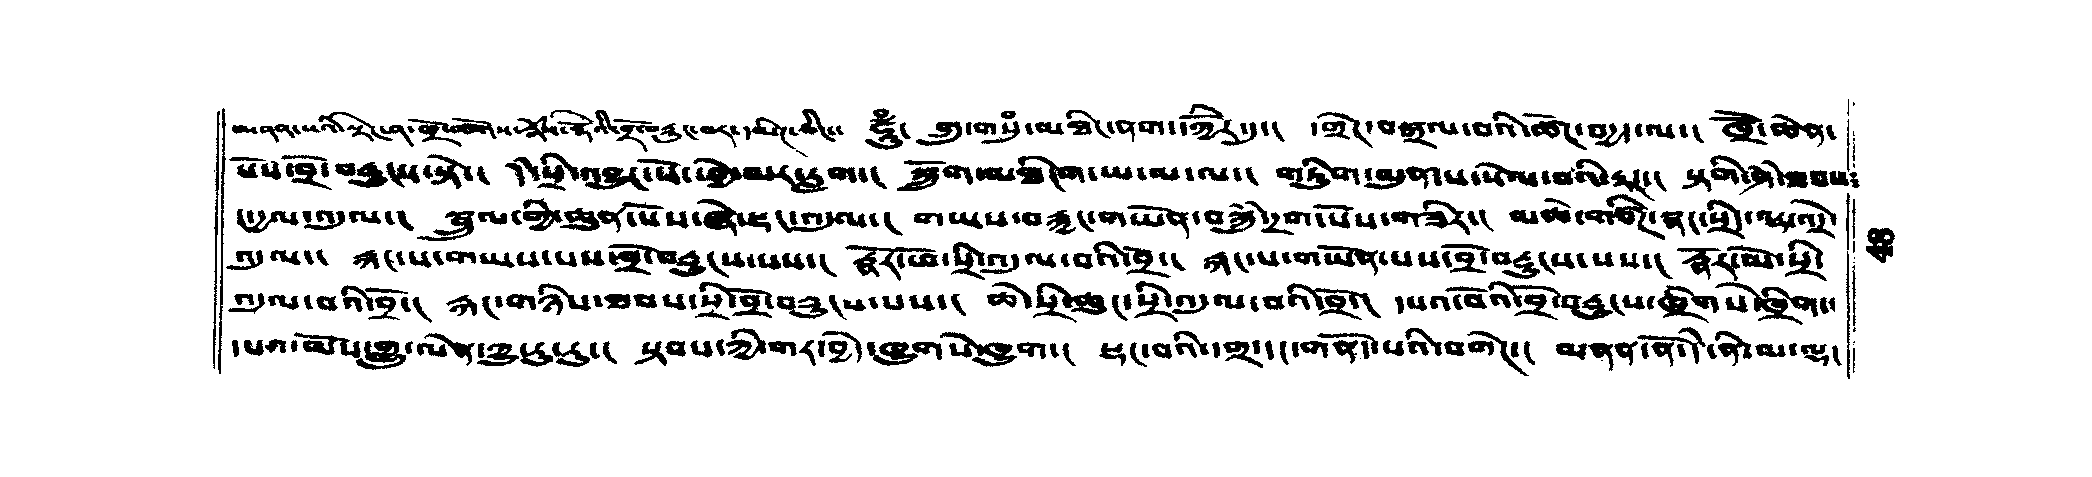མནན་པའི་སྟེང་ན་ཁྲོ་ཚོགས་རྣམས་རྡོ་རྗེའི་བྲོ་བརྡུང་བར་དམིགས་ཤིང་། ཧཱུྃ། གྲུ་གསུམ་མཐིང་ནག་དཀྱིལ་འཁོར་དུ། །དགྲ་གེགས་བསྒྲལ་བའི་ཚོགས་བརྒྱད་ལ། །ཁྲོ་བོ་ཆེན་
པོས་བྲོ་བརྡུངས་ཏེ། །སྐུ་མདོག་མཐིང་ནག་ཡ་ལ་ལ། །གཏི་མུག་མུན་པ་སེལ་བའི་རྟགས། །སྟག་གི་ཤམ་ཐབས་
ང་རྒྱལ་འདུལ། །སྦྲུལ་གྱི་ཆུན་པོས་ཞེ་སྡང་འདུལ། །གཡས་བརྐྱང་གཡོན་བསྐུམ་དྲག་པོས་གཟིར། །མཆེ་གཙིགས་སྣང་སྲིད་ལྷ་འདྲེ་
འདུལ། །རྐང་པ་གཡས་པས་བྲོ་བརྡུངས་པས། ། རྣལ་འབྱོར་ཕོ་སྲི་འདུལ་བའི་བྲོ །རྐང་པ་གཡོན་པས་བྲོ་བརྡུངས་པས། །རྣལ་འབྱོར་མོ་སྲི་
འདུལ་བའི་བྲོ། ། རྐང་གཉིས་ཐབས་སྲི་བྲོ་བརྡུང་པས། །ཆེ་སྲི་ཆུང་སྲི་འདུལ་བའི་བྲོ། །དཔའ་བོའི་བྲོ་བརྡུངས་ཁྲིགས་སེ་ཁྲིག་
དཔའ་མོས་གླུ་ལེན་ཀྱུ་རུ་རུ། །སྟབས་ཀྱི་གར་བྱེད་ཁྱུག་སེ་ཁྱུག་སྡང་བའི་དགྲ་དང་གནོད་པའི་བགེགས། ། མནན་དོན་དེ་ནི་མ་ལྡང་